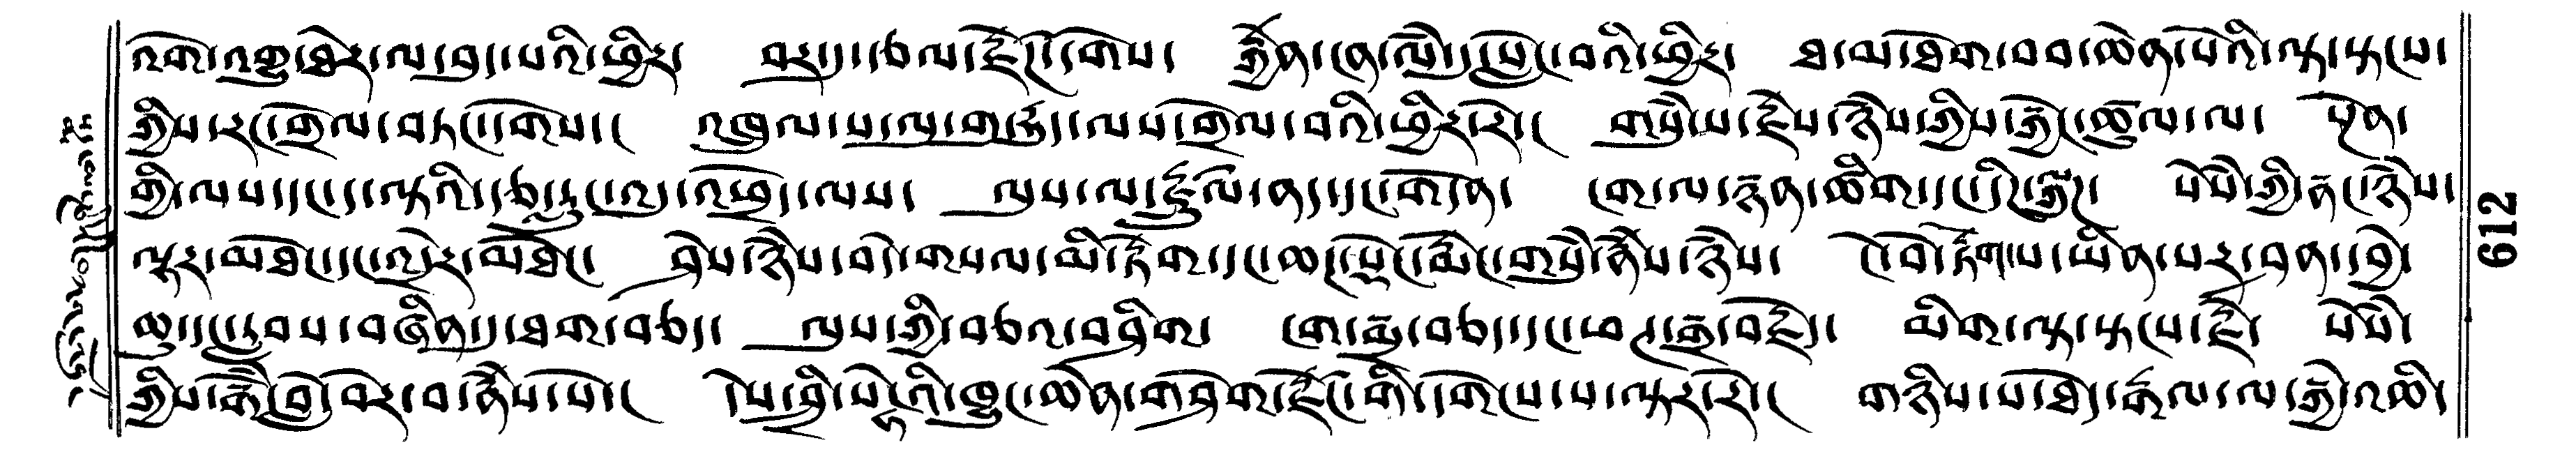འོག་འགྱུ་ཐེར་ལ་བུད་པའི་ཕྱིར། བར་དུ་རྩལ་རྫོགས་དགོས། རྐྱེན་ངན་ལམ་དུ་སློང་བའི་ཕྱིར། ཐ་མ་ཐོག་བབ་ཆེན་པོའི་ལྟ་སྟངས་
ཀྱིས་རང་གྲོལ་བཏང་དགོས། འཁྲུལ་པ་ལུ་གུ་རྒྱུད་ལས་གྲོལ་བའི་ཕྱིར་རོ། གསུམ་པ་རྗེས་ཉམས་ཀྱིས་སྐྱོང་ཚུལ་ལ། སྔོན་
གྱི་ལས་དང་ད་ལྟའི་རྩ་རླུང་འདུ་འཕྲོད་ལས། ལུས་ལ་རྫུ་འཕྲུལ་ནད་དང་གདོན། ངག་ལ་སྙན་ཚིག་དང་དིག་ལྐུགས། སེམས་ཀྱི་སྣང་ཉམས་
ལྷར་མཐོང་དང་འདྲེར་མཐོང་། ཤེས་ཉམས་བདེ་གསལ་མི་རྟོག་དང་ཆགས་སྡང་རྨོངས་གསུམ་རྣམས་ཉམས། ངོ་བོ་རྟོག་པ་ཡིན་པར་ཤན་དབྱེ། 
ཆུ་དང་རླབས་བཞིན་དུ་ཐག་བཅད། ལུས་ཀྱི་བཅའ་བཤིག ངག་སྨྲ་བཅད་དང་ཕཊ་སྒྲ་བརྗོད། མིག་ལྟ་སྟངས་རྗེ། སེམས་
ཀྱིས་སྒོམ་བློ་བོར་བ་རྣམས་སོ། དེ་ཤྲཱི་སེངྷའི་ཁྱུང་ཆེན་གཤོག་རྫོགས་ཀྱྀ་དགོངས་པ་ལྟར་རོ། གཉིས་པ་ཐོད་རྒལ་ལ་སྐྱེ་འཆི་